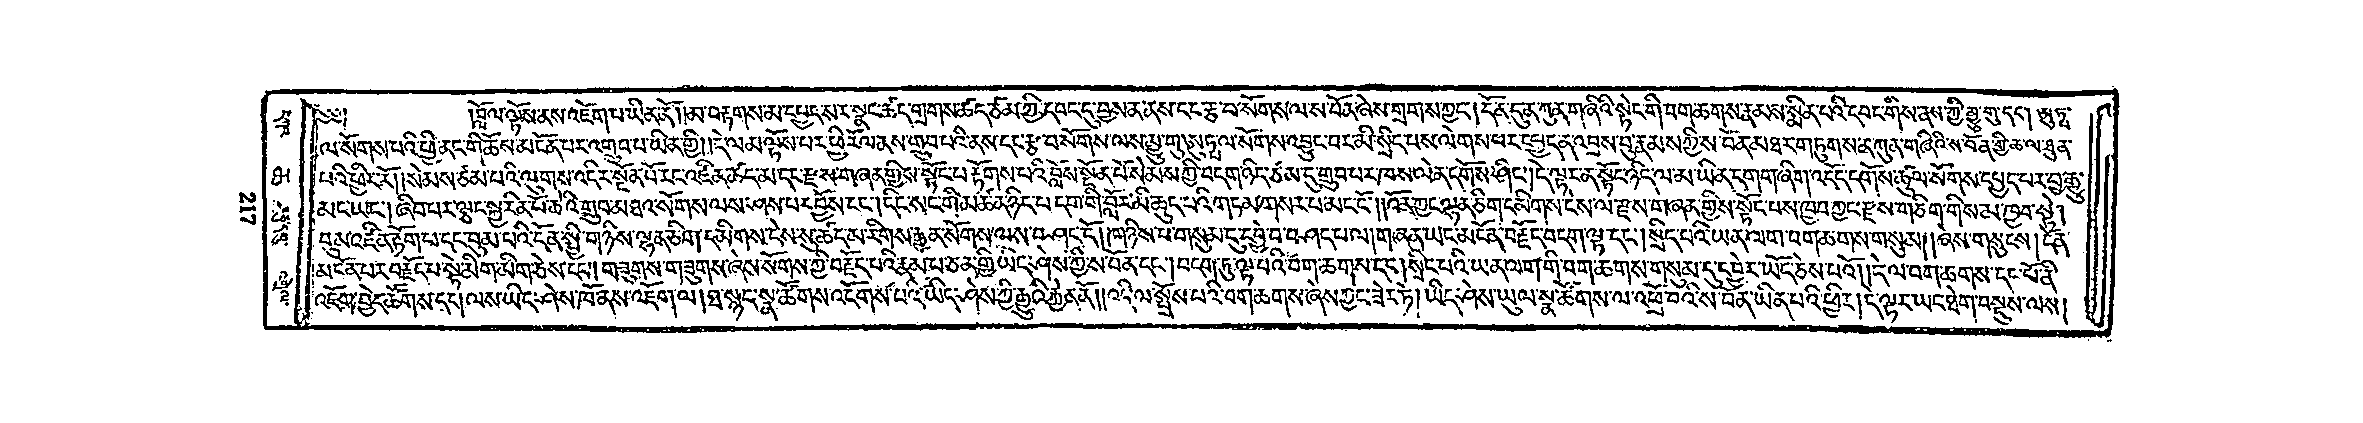༄༅། །བློ་ལ་ལྟོས་ནས་འཇོག་པ་ཡིན་ནོ། །མ་བརྟགས་མ་དཔྱད་སར་སྣང་ཚད་གྲགས་ཚད་གྲགས་ཚད་ཙམ་ཀྱི་དབང་དུ་བྱས་ན་ནས་དང་རྩ་བ་སོགས་ལ་ས་བོན་ཞེས་གྲགས་ཀྱང་། དོན་དུ་ན་ཀུན་གཞིའི་སྟེང་གི་བག་ཆགས་རྣམས་སྨིན་པའི་དབང་གིས་ནས་ཀྱི་མྱུ་གུ་དང་། ཨུཏཔ་
ལ་སོགས་པའི་ཕྱི་ནང་གི་ཆོས་མངོན་པར་འགྲུབ་པ་ཡིན་གྱི། །དེ་ལམ་ལྟོས་པར་ཕྱི་རོལ་ནས་གྲུབ་པའི་ནས་དང་རྩ་བ་སོགས་ལས་མྱུ་གུ་ཨུཏཔ་ལ་སོགས་འབྱུང་བར་མི་སྲིད་པས་ལེགས་པར་དཔྱད་ན་འབྲས་བུ་རྣམས་ཀྱི་ས་བོན་མཐར་གཏུགས་ན་ཀུན་གཞིའི་ས་བོན་གྱི་ཆ་ལ་ཐུན་
པའི་ཕྱིར་རོ། །སེམས་ཙམ་པའི་ལུགས་འདིར་སྔོན་པོ་རང་འཛིན་ཚད་མ་དང་རྫས་གཞན་གྱིས་སྟོང་པ་རྟོགས་པའི་བློས་སྔོན་པོ་སེམས་ཀྱི་བདག་ཉིད་ཙམ་དུ་གྲུབ་པར་ཁས་ལེན་དགོས་ཤིང་། དེ་ལྟར་ན་སྟོང་ཉིད་ལ་མ་ཡིན་དགག་ཞིག་འདོད་དགོས་ཚུལ་སོགས་དཔྱད་པར་བྱ་རྒྱུ་
མང་ཡང་། ཞིབ་པར་ལྕང་སྐྱ་རིན་པོ་ཆེའི་གྲུབ་མཐའ་སོགས་ལས་ཤས་པར་བྱོས་དང་། དིང་སང་གི་མཚན་ཉིད་པ་དག་གི་བློར་མི་ཆུད་པའི་གཏམ་གསར་པ་མང་ངོ། །འོན་ཀྱང་ལྷན་ཅིག་དམིགས་ངེས་ལ་རྫས་གཞན་གྱིས་སྟོང་པས་ཁྱབ་ཀྱང་རྫས་གཅིག་གིས་མ་ཁྱབ་སྟེ།
བུམ་འཛིན་རྟོག་པ་དང་བུམ་པའི་དོན་སྤྱི་གཉིས་ལྷན་ཅིག་དམིགས་ངེས་སུ་ཚད་མ་རིགས་རྒྱན་སོགས་ལས་བཤད་དོ། །གཉིས་པ་གསུམ་དུ་དབྱེ་བ་བཤད་པ་ལ། གཞན་ཡང་མངོན་བརྗོད་བདག་ལྟ་དང་། སྲིད་པའི་ཡན་ལག་བག་ཆགས་གསུམ། །ཞེས་གསུངས། དོན་
མངོན་པར་བརྗོད་པ་སྟེ་མིག་མིག་ཅེས་དང་། གཟུགས་གཟུགས་ཞེས་སོགས་ཀྱི་བརྗོད་པའི་རྣམ་པ་ཅན་གྱི་ཡིད་ཤེས་ཀྱི་ས་བོན་དང་། བདག་ཏུ་ལྟ་བའི་བག་ཆགས་དང་། སྲིང་པའི་ཡན་ལག་གི་བག་ཆགས་གསུམ་དུ་དབྱེར་ཡོད་ཅེས་པའོ། །དེ་ལ་བག་ཆགས་དང་པོ་ནི་
འཇོག་བྱེད་ཚོགས་དང་། ལས་ཡིད་ཤེས་ཁོ་ནས་འཇོག་ལ། ཐ་སྙད་སྣ་ཚོགས་འདོགས་པའི་ཡིད་ཤེས་ཀྱི་རྒྱུའི་རྐྱེན་ནོ། །འདི་ལ་སྤྲོས་པའི་བག་ཆགས་ཞེས་ཀྱང་ཟེར་ཏེ། ཡིད་ཤེས་ཡུལ་སྣ་ཚོགས་ལ་འཕྲོ་བའི་ས་བོན་ཡིན་པའི་ཕྱིར། དེ་ལྟར་ཡང་ཐེག་བསྡུས་ལས།